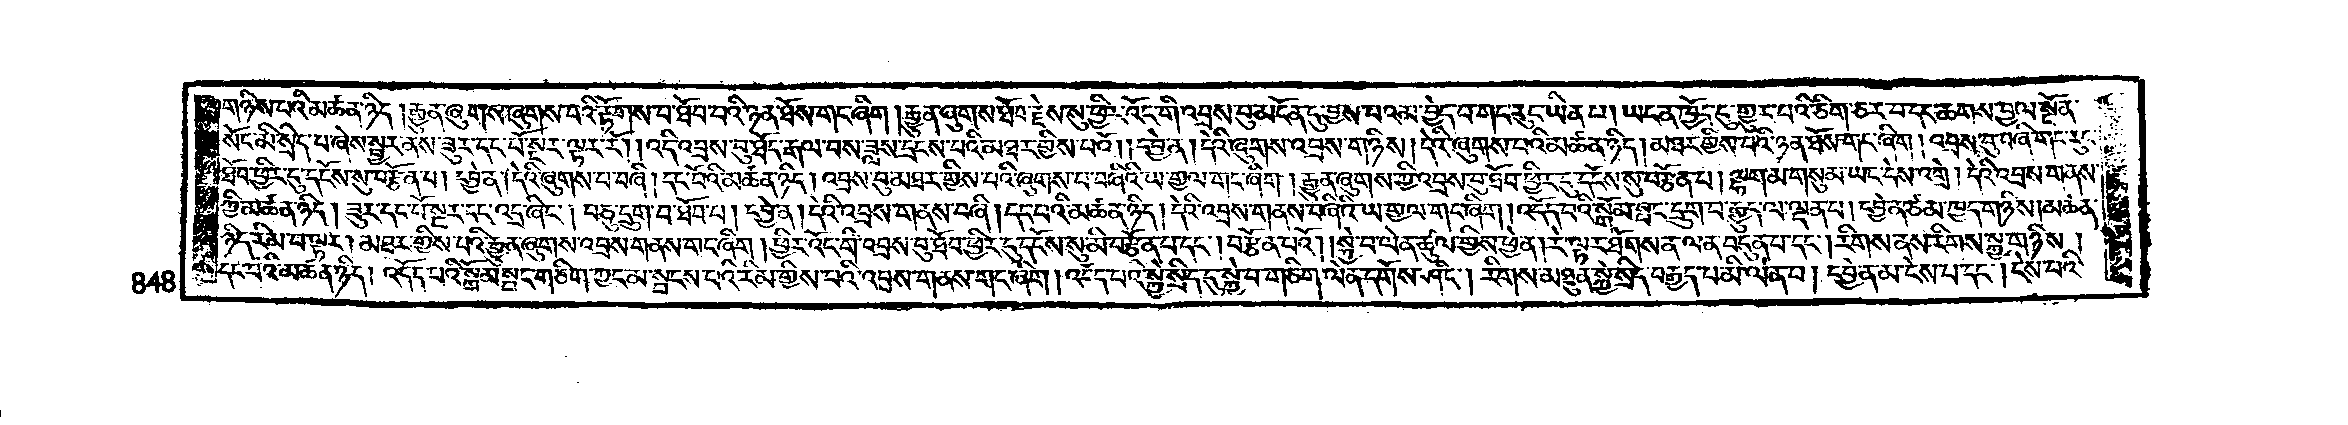གཉིས་པའི་མཚན་ཉིད། རྒྱུན་ཞུགས་ཞུགས་པའི་རྟོགས་པ་ཐོབ་པའི་ཉན་ཐོས་གང་ཞིག །རྒྱུན་ཞུགས་ཐོབ་རྗེས་སུ་ཕྱིར་འོང་གི་འབྲས་བུ་མངོན་དུ་བྱས་པའམ་བྱེད་པ་གང་རུང་ཡིན་པ། ཡང་ན་ཁྱོད་དུ་གྱུར་པའི་ཅིག་ཅར་བ་དང་ཆགས་བྲལ་སྔོན་
སོང་མི་སྲིད་པ་ཞེས་སྦྱར་ནས་ཟུར་དང་པོ་སྔར་ལྟར་རོ། །འདི་འབྲས་བུ་ཐོད་རྒལ་བས་ཟླས་དྲངས་པའི་མཐར་གྱིས་པའོ། །དབྱེ་ན། དེའི་ཞུགས་འབྲས་གཉིས། དེའི་ཞུགས་པའི་མཚན་ཉིད། མཐར་གྱིས་པའི་ཉན་ཐོས་གང་ཞིག །འབྲས་བུ་བཞི་གང་རུང་
ཐོབ་ཕྱིར་དུ་དངོས་སུ་བརྩོན་པ། དབྱེ་ན། དེའི་ཞུགས་པ་བཞི། དང་པོའི་མཚན་ཉིད། འབྲས་བུ་མཐར་གྱིས་པའི་ཞུགས་པ་བཞིའི་ཡ་གྱལ་གང་ཞིག །རྒྱུན་ཞུགས་ཀྱི་འབྲས་བུ་ཐོབ་ཕྱིར་དུ་དངོས་སུ་བརྩོན་པ། ལྷག་མ་གསུམ་ཡང་དེས་འགྲེ། དེའི་འབྲས་གནས་
ཀྱི་མཚན་ཉིད། ཟུར་དང་པོ་སྔར་དང་འདྲ་ཞིང་། བཅུ་དྲུག་པ་ཐོབ་པ། དབྱེ་ན། དེའི་འབྲས་གནས་བཞི། དང་པོའི་མཚན་ཉིད། དེའི་འབྲས་གནས་བཞིའི་ཡ་གྱལ་གང་ཞིག །འདོད་པའི་སྒོམ་སྤང་དྲུག་པ་རྒྱུད་ལ་ལྡན་པ། དབྱེ་ན་ཙམ་ཁྱད་གཉིས། མཚན་
ཉིད་རིམ་པ་ལྟར། མཐར་གྱིས་པའི་རྒྱུན་ཞུགས་འབྲས་གནས་གང་ཞིག །ཕྱིར་འོང་གི་འབྲས་བུ་ཐོབ་ཕྱིར་དུ་དངོས་སུ་མི་བརྩོན་པ་དང་། བརྩོན་པའོ། །སྐྱེ་བ་ལེན་ཚུལ་གྱིས་ཕྱེ་ན། རེ་ལྟར་ཐོགས་ན་ལན་བདུན་པ་དང་། རིགས་ནས་རིགས་སྐྱེ་གཉིས།
དང་པོའི་མཚན་ཉིད། འདོད་པའི་སྒོམ་སྤང་གཅིག་ཀྱང་མ་སྤངས་པའི་རིམ་གྱིས་པའི་འབྲས་གནས་གང་ཞིག །འདོད་པའི་སྐྱེ་སྲིད་དུ་སྐྱེ་བ་གཅིག་ལེན་དགོས་ཤིང་། རིགས་མཐུན་སྐྱེ་སྲིད་བརྒྱད་པ་མི་ལེན་པ། དབྱེ་ན་མ་ངེས་པ་དང་། ངེས་པའི་